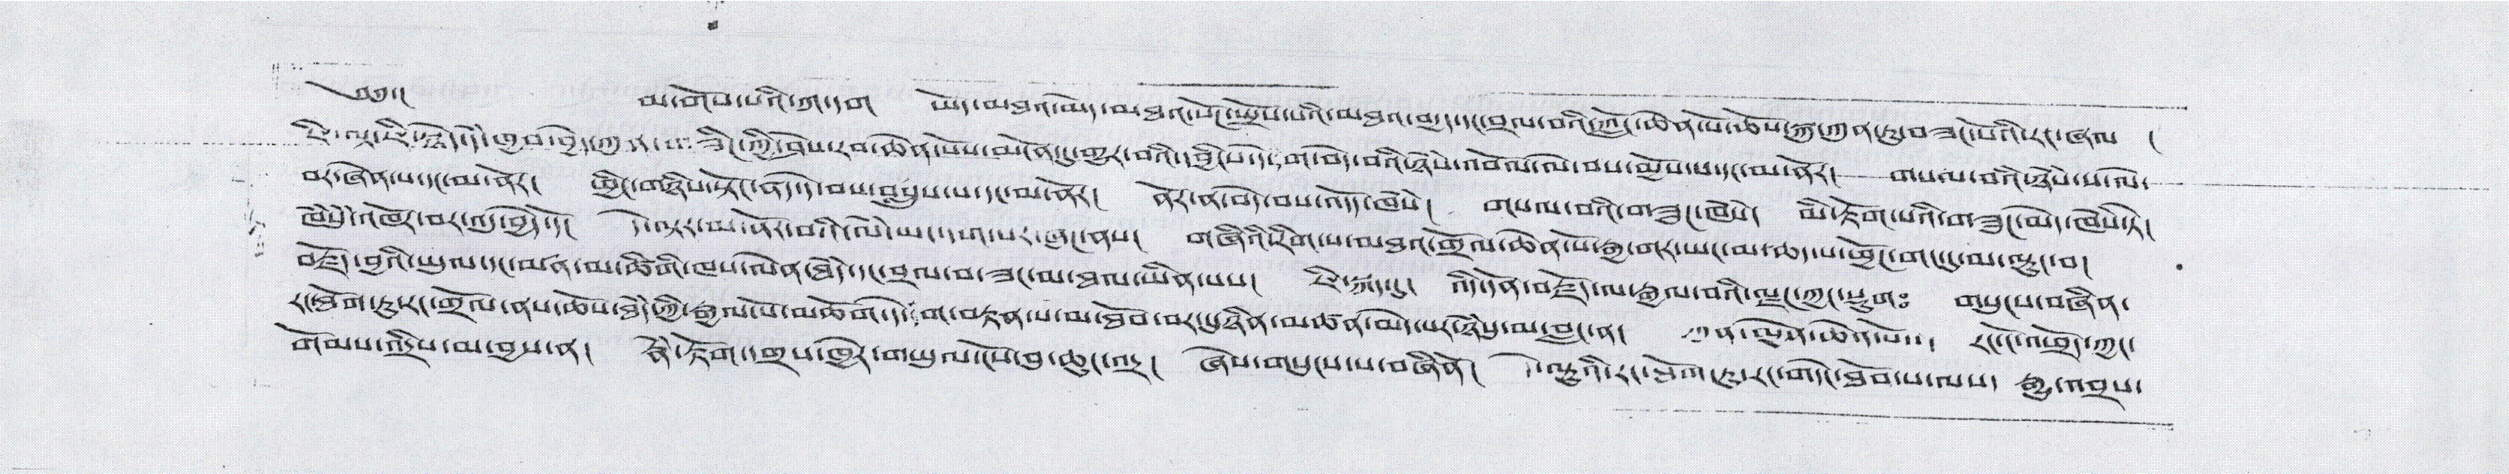མ་གོས་པའི་ཀ་དག ཡོད་མཐའ་མེད་མཐའ་སོགས་སྤྲོས་པའི་མཐའ་བརྒྱད་དང་བྲལ་བའི་ཀློང་ཆེན་པོ་ཆོས་སྐུ་ཀུན་ཏུ་བཟང་པོའི་རང་ཞལ་
ཇི་ལྟ་ཇི་སྙེད་དམ་ཁྱབ་བྱེད་ཀུན་གཟིགས་ཀྱི་ཤེས་རབ་ཆེན་པོས་མངོན་དུ་གྱུར་བའི་དབྱིངས་དེ་དག་བདེ་བའི་ཉམས་འབོལ་ལེ་བས་མྱོས་པ་དང་མ་ནོར། གསལ་བའི་ཉམས་ས་ལེ་
བར་ཞེན་པ་དང་མ་ནོར། ཕྱི་ནང་གཉིས་སྟོང་ཧད་དེ་བས་བཤུས་པ་དང་མ་ནོར། ནོར་ན་བདེ་བས་འདོད་ཁམས། གསལ་བའི་གཟུགས་ཁམས། མི་རྟོགས་པའི་གཟུགས་མེད་ཁམས་ཏེ། 
ཁམས་གསུམ་འཁོར་བར་འདུ་བྱེད་དོ། དེ་ལྟར་མ་ནོར་བའི་ལམ་ཡང་དག་པར་ཞུགས་ནས། གཞིའི་རིག་པ་མཐའ་གྲོལ་ཆེན་པོ་རྒྱ་གར་ཡང་མ་ཆད་པ་ཕྱོགས་གང་དུ་མ་ལྟུང་བ། 
བརྗོད་བྱའི་ཡུལ་དང་མཚན་མ་ཚིག་གི་ཁས་ལེན་ཐམས་ཅད་དང་བྲལ་བ་ཟང་མ་ཐལ་ཡིན་པས། ཇི་སྐད་དུ། འདི་དོན་བརྗོད་ལ་རྒྱལ་བའི་ལྗང་ཀྱང་སྡུགཿ གསུངས་བཞིན་
རང་ཐོག་ཏུ་རང་གྲོལ་ནས་ཆོས་ཐམས་ཅད་ཀྱི་རྒྱལ་པོ་མཆོག་དེ་དག་བརྟན་པ་མ་ཐོབ་བར་དུ་ཉིན་མཚན་མེད་པར་ཉམས་སུ་མ་བླང་ན། ཀུན་མཁྱེན་ཆེན་པོས། རང་ངོ་འཕྲོད་ཀྱང་
གོམས་འདྲིས་མ་བྱས་ན། རྣམ་རྟོག་དགྲས་ཁྱེར་གཡུལ་ངོས་བུ་ཆུང་འདྲ། ཞེས་གསུངས་པ་བཞིན་ནོ། དེ་ལྟ་བུའི་རང་ཐོག་ཏུ་རང་གདེང་ཐོབ་པ་ལས། རྒྱུ་འབྲས་